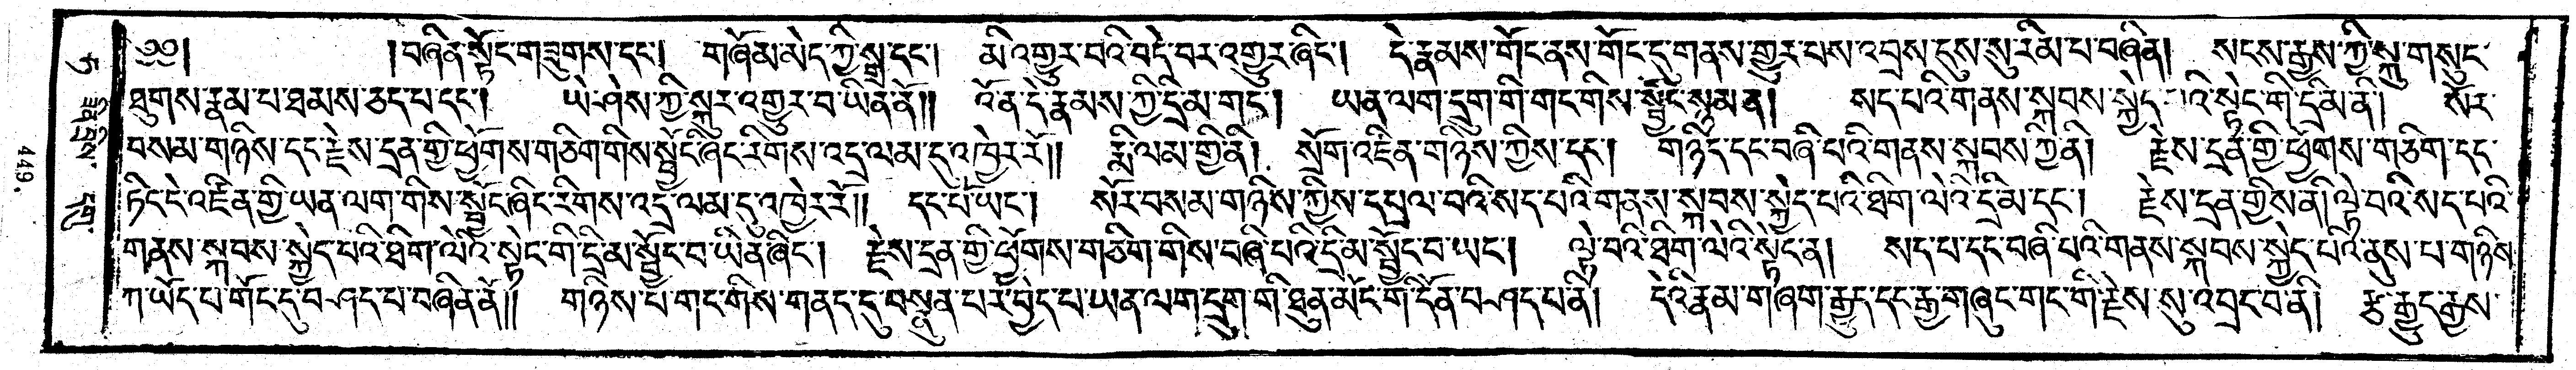༄༅། །བཞིན་སྟོང་གཟུགས་དང་། གཞོམ་མེད་ཀྱི་སྒྲ་དང་། མི་འགྱུར་བའི་བདེ་བར་འགྱུར་ཞིང་། དེ་རྣམས་གོང་ནས་གོང་དུ་གནས་གྱུར་པས་འབྲས་དུས་སུ་རིམ་པ་བཞིན། སངས་རྒྱས་ཀྱི་སྐུ་གསུང་
ཐུགས་རྣམ་པ་ཐམས་ཅད་པ་དང་། ཡེ་ཤེས་ཀྱི་སྐུར་འགྱུར་བ་ཡིན་ནོ།། འོ་ན་དེ་རྣམས་ཀྱི་དྲི་མ་གང་། ཡན་ལག་དྲུག་གི་གང་གིས་སྦྱོང་སྙམ་ན། སད་པའི་གནས་སྐབས་སྐྱེད་པའི་སྟེང་གི་དྲི་མ་ནི། སོར་
བསམ་གཉིས་དང་རྗེས་དྲན་གྱི་ཕྱོགས་གཅིག་གིས་སྦྱོང་ཞིང་རིགས་འདྲ་ལམ་དུ་འཁྱེར་རོ།། རྨི་ལམ་གྱི་ནི། སྲོག་འཛིན་གཉིས་ཀྱིས་དང་། གཉིད་དང་བཞི་པའི་གནས་སྐབས་ཀྱི་ནི། རྗེས་དྲན་གྱི་ཕྱོགས་གཅིག་དང་
ཏིང་ངེ་འཛིན་གྱི་ཡན་ལག་གིས་སྦྱོང་ཞིང་རིགས་འདྲ་ལམ་དུ་འཁྱེར་རོ།། དང་པོ་ཡང་། སོར་བསམ་གཉིས་ཀྱིས་དཔྲལ་བའི་སད་པའི་གནས་སྐབས་སྐྱེད་པའི་ཐིག་ལེའི་དྲི་མ་དང་། རྗེས་དྲན་གྱིས་ནི། ལྟེ་བའི་སད་པའི་
གནས་སྐབས་སྐྱེད་བའི་ཐིག་ལེའི་སྟེང་གི་དྲི་མ་སྦྱོང་བ་ཡིན་ཞིང་། རྗེས་དྲན་གྱི་ཕྱོགས་གཅིག་གིས་བཞི་པའི་དྲི་མ་སྦྱོང་བ་ཡང་། ལྟེ་བའི་ཐིག་ལེའི་སྟེང་ན། སད་པ་དང་བཞི་པའི་གནས་སྐབས་སྐྱེད་པའི་ནུས་པ་གཉིས་
ཀ་ཡོད་པ་གོང་དུ་བཤད་པ་བཞིན་ནོ།། གཉིས་པ་གང་གིས་གནད་དུ་བསྣུན་པར་བྱེད་པ་ཡན་ལག་དྲུག་གི་ཐུན་མོང་གི་དོན་བཤད་པ་ནི། དེའི་རྣམ་གཞག་རྒྱུད་དང་རྒྱ་གཞུང་གང་གི་རྗེས་སུ་འབྲང་བ་ནི། རྩ་རྒྱུད་རྒྱས་